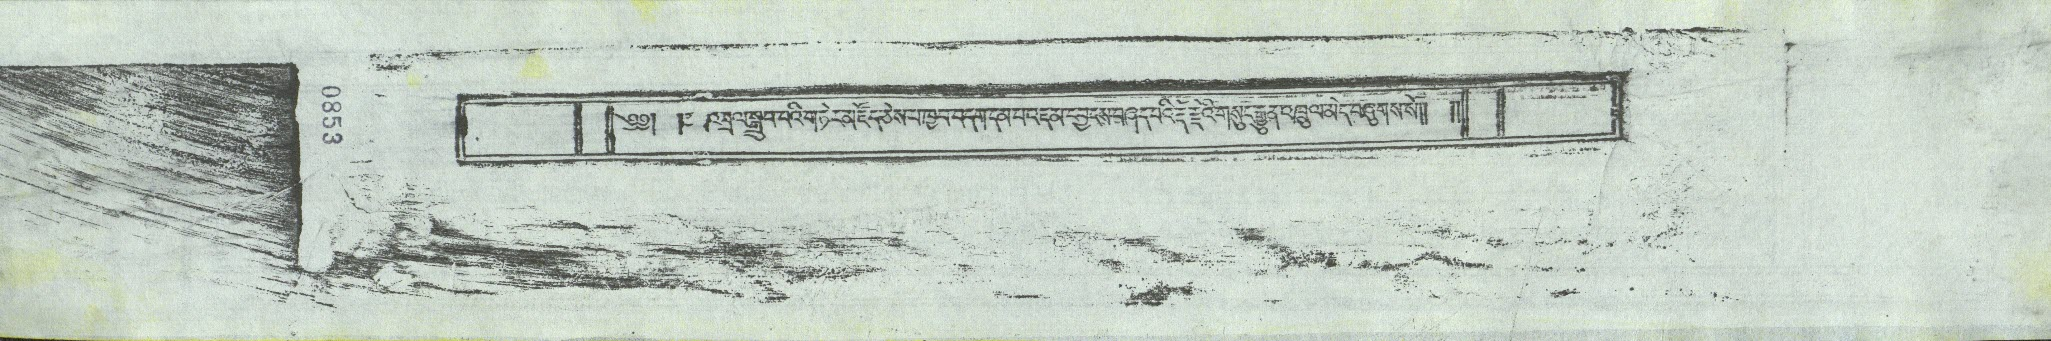༄༅། །མཐའ་བྲལ་སྒྲུབ་པའི་གཏེར་མཛོད་ཅེས་པ་ཁྱབ་བདག་དམ་པ་འཇམ་དབྱངས་བཞད་པའི་རྡོ་རྗེའི་གསུང་རྒྱུན་འཁྲུལ་མེད་བཞུགས་སོ།། །།